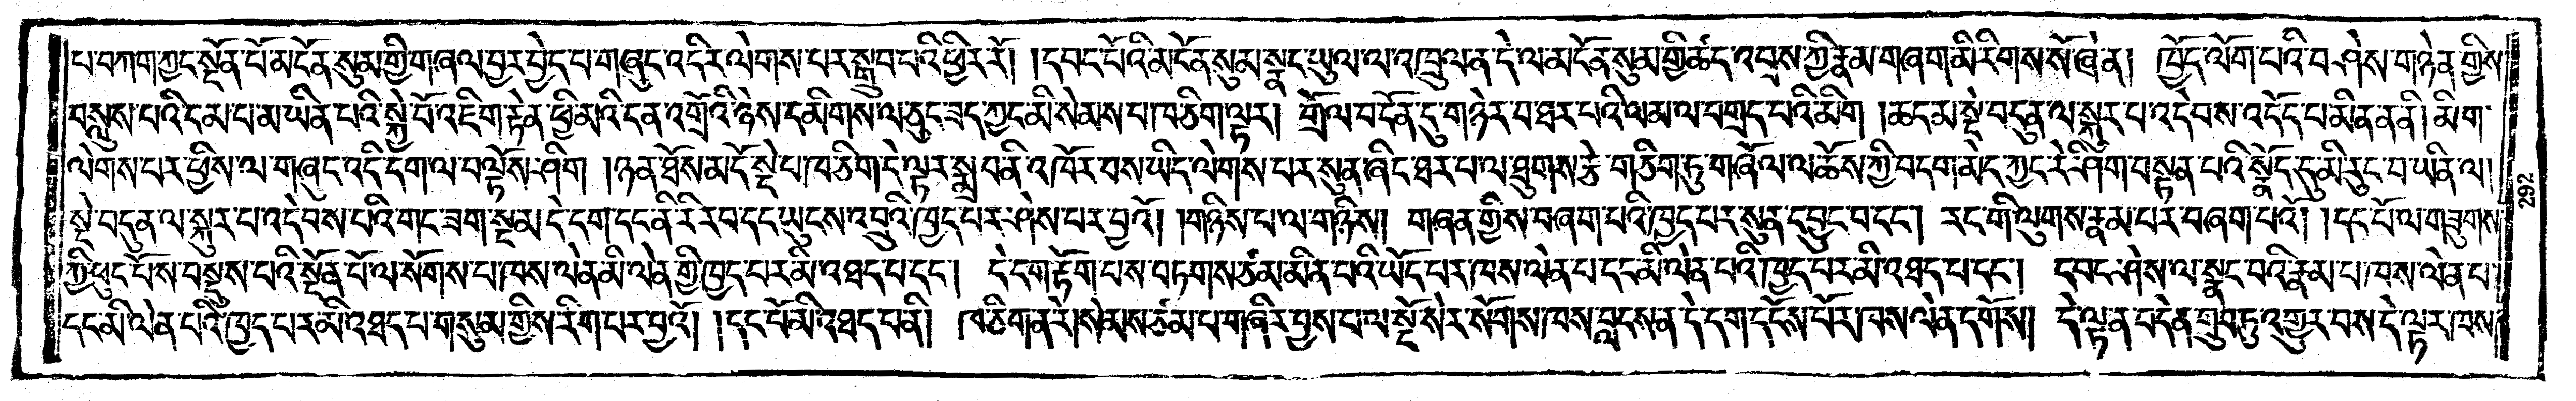པ་བཀག་ཀྱང་སྔོན་པོ་མངོན་སུམ་གྱི་གཞལ་བྱར་བྱེད་པ་གཞུང་འདིར་ལེགས་པར་སྒྲུབ་པའི་ཕྱིར་རོ། །དབང་པོའི་མངོན་སུམ་སྣང་ཡུལ་ལ་འཁྲུལ་ན་དེ་ལ་མངོན་སུམ་གྱི་ཚད་འབྲས་ཀྱི་རྣམ་གཞག་མི་རིགས་སོ་ཞེ་ན། ཁྱོད་ལོག་པའི་བཤེས་གཉེན་གྱིས་
བསླུས་པའི་དམ་པ་མ་ཡིན་པའི་སྐྱེ་བོ་འཇིག་རྟེན་ཕྱི་མའི་ངན་འགྲོའི་ཉེས་དམིགས་ལ་ཅུང་ཟད་ཀྱང་མི་སེམས་པ་ཁ་ཅིག་ལྟར། གྲོལ་བ་དོན་དུ་གཉེར་བ་ཐར་པའི་ལམ་ལ་བགྲད་པའི་མིག །ཚད་མ་སྡེ་བདུན་ལ་སྐུར་པ་འདེབས་འདོད་པ་མིན་ན་ནི། མིག་
ལེགས་པར་ཕྱིས་ལ་གཞུང་འདི་དག་ལ་བལྟོས་ཤིག །ཉན་ཐོས་མདོ་སྡེ་པ་ཁ་ཅིག་དེ་ལྟར་སྨྲ་བ་ནི་འཁོར་བས་ཡིད་ལེགས་པར་སུན་ཞིང་ཐར་པ་ལ་ཐུགས་རྩེ་གཅིག་ཏུ་གཞོལ་ལ་ཆོས་ཀྱི་བདག་མེད་ཀྱང་རེ་ཤིག་བསྟན་པའི་སྣོད་དུ་མི་རུང་བ་ཡིན་ལ།
སྡེ་བདུན་ལ་སྐུར་བ་འདེབས་པའི་གང་ཟག་སྔ་མ་དེ་དག་དང་ནི་རི་རབ་དང་ཡུངས་འབྲུའི་ཁྱད་པར་ཤེས་པར་བྱའོ། །གཉིས་པ་ལ་གཉིས། གཞན་གྱིས་བཞག་པའི་ཁྱད་པར་སུན་དབྱུང་བ་དང་། རང་གི་ལུགས་རྣམ་པར་བཞག་པའོ། །དང་པོ་ལ་གཟུགས་
ཀྱི་ཕུང་པོ་བསྡུས་པའི་སྔོན་པོ་ལ་སོགས་པ་ཁས་ལེན་མི་ལེན་གྱི་ཁྱད་པར་མི་འཐད་པ་དང་། དེ་དག་རྟོག་པས་བཏགས་ཙམ་མིན་པའི་ཡོད་པར་ཁས་ལེན་པ་དང་མི་ལེན་པའི་ཁྱད་པར་མི་འཐད་པ་དང་། དབང་ཤེས་ལ་སྣང་བའི་རྣམ་པ་ཁས་ལེན་པ་
དང་མི་ལེན་པའི་ཁྱད་པར་མི་འཐད་པ་གསུམ་གྱིས་རིག་པར་བྱའོ། །དང་པོ་མི་འཐད་པ་ནི། ཁ་ཅིག་ན་རེ། སེམས་ཙམ་པ་གཞིར་བྱས་པ་ལ་སྔོ་སེར་སོགས་ཁས་བླངས་ན་དེ་དག་དངོས་པོར་ཁས་ལེན་དགོས། དེ་ལྟ་ན་བདེན་གྲུབ་ཏུ་འགྱུར་བས་དེ་ལྟར་ཁས་